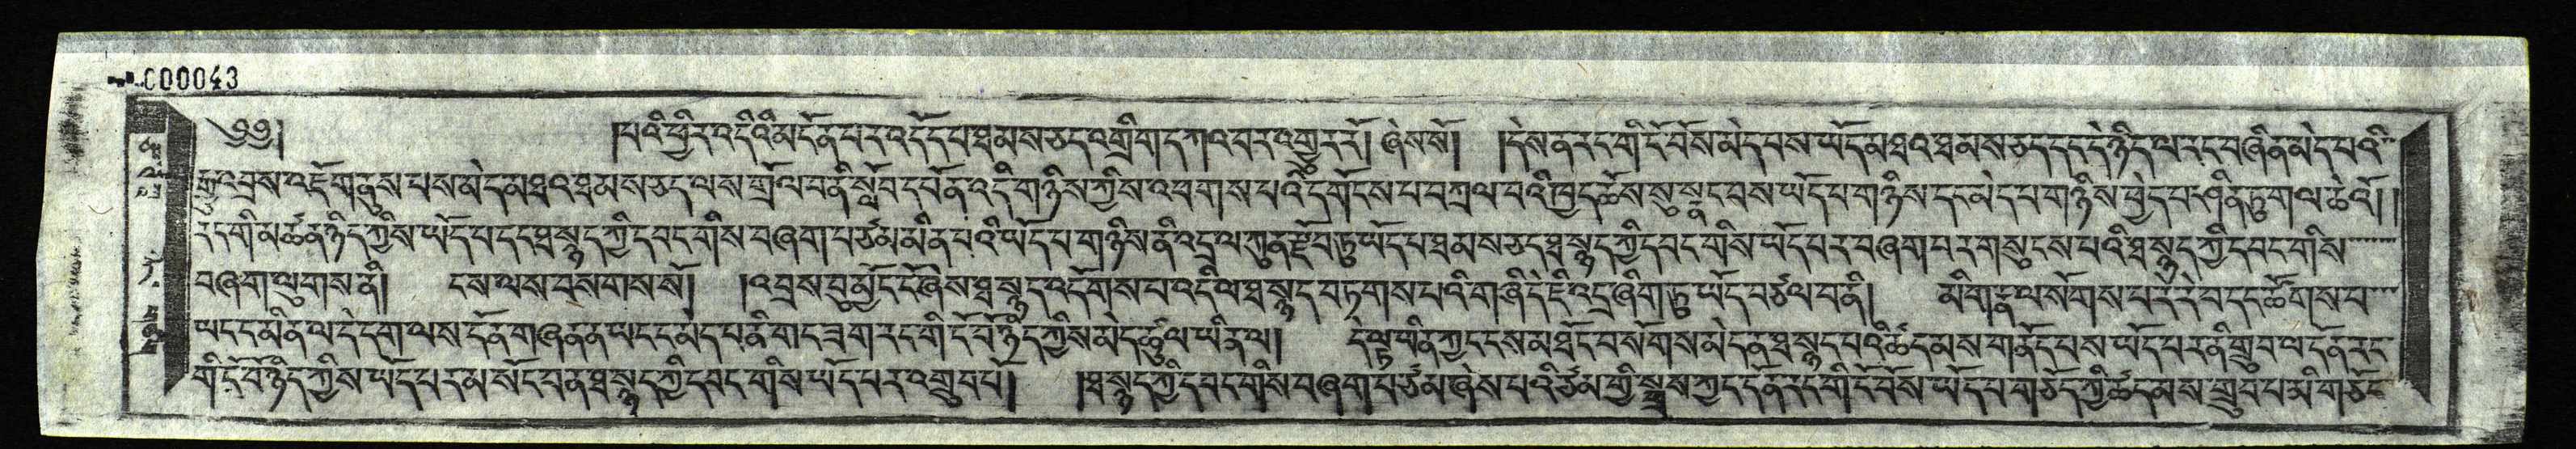༄༅། །པའི་ཕྱིར་འདིའི་མངོན་པར་འདོད་པ་ཐམས་ཅད་འགྲིག་དཀའ་བར་འགྱུར་རོ། ཞེས་སོ། །དེས་ན་རང་གི་ངོ་བོས་མེད་པས་ཡོད་མཐའ་ཐམས་ཅད་དང་དེ་ཉིད་ལ་རང་བཞིན་མེད་པའི་
རྒྱུ་འབྲས་འཇོག་ནུས་པས་མེད་མཐའ་ཐམས་ཅད་ལས་གྲོལ་བ་ནི་སློབ་དཔོན་འདི་གཉིས་ཀྱིས་འཕགས་པའི་དགོངས་པ་བཀྲལ་བའི་ཁྱད་ཆོས་སུ་སྣང་བས་ཡོད་པ་གཉིས་དང་མེད་པ་གཉིས་ཕྱེད་བ་ཤིན་ཏུ་གལ་ཆེའོ།།
རང་གི་མཚན་ཉིད་ཀྱིས་ཡོད་པ་དང་ཐ་སྙད་ཀྱི་དབང་གིས་བཞག་པ་ཙམ་མིན་པའི་ཡོད་པ་གཉིས་ནི་འདྲ་ལ་ཀུན་རྫོབ་ཏུ་ཡོད་པ་ཐམས་ཅད་ཐ་སྙད་ཀྱི་དབང་གིས་ཡོད་པར་བཞག་པར་གསུངས་པའི་ཐ་སྙད་ཀྱི་དབང་གིས་
བཞག་ལུགས་ནི། ངས་ལས་བསགས་སོ། །འབྲས་བུ་མྱོང་ངོ་ཞེས་ཐ་སྙད་འདོགས་པ་འདི་ལ་ཐ་སྙད་བཏགས་པའི་གཞི་དེ་ཇི་འདྲ་ཞིག་ཏུ་ཡོད་བཙལ་བ་ནི། མིག་རྣ་ལ་སོགས་པ་རེ་རེ་བ་དང་ཚོགས་པ་
ཡང་ད་མིན་ལ་དེ་དག་ལས་དོན་གཞན་ན་ཡང་ང་མེད་པ་ནི་གང་ཟག་རང་གི་ངོ་བོ་ཉིད་ཀྱིས་མེད་ཚུལ་ཡིན་ལ། དེ་ལྟ་ཡིན་ཀྱང་ངས་མཐོང་བ་སོགས་མེད་ན་ཐ་སྙད་པའི་ཚད་མས་གནོད་པས་ཡོད་པར་ནི་གྲུབ་ལ་དོན་རང་
གི་ངོ་བོ་ཉིད་ཀྱིས་ཡོད་པར་མ་སོང་བ་ན་ཐ་སྙད་ཀྱི་དབང་གིས་ཡོད་པར་འགྲུབ་པོ། །ཐ་སྙད་ཀྱི་དབང་གིས་བཞག་པ་ཙམ་ཞེས་པའི་ཙམ་གྱི་སྒྲས་ཀྱང་དོན་རང་གི་ངོ་བོས་ཡོད་པ་གཅོད་ཀྱི་ཚད་མས་གྲུབ་པ་མི་གཅོད་